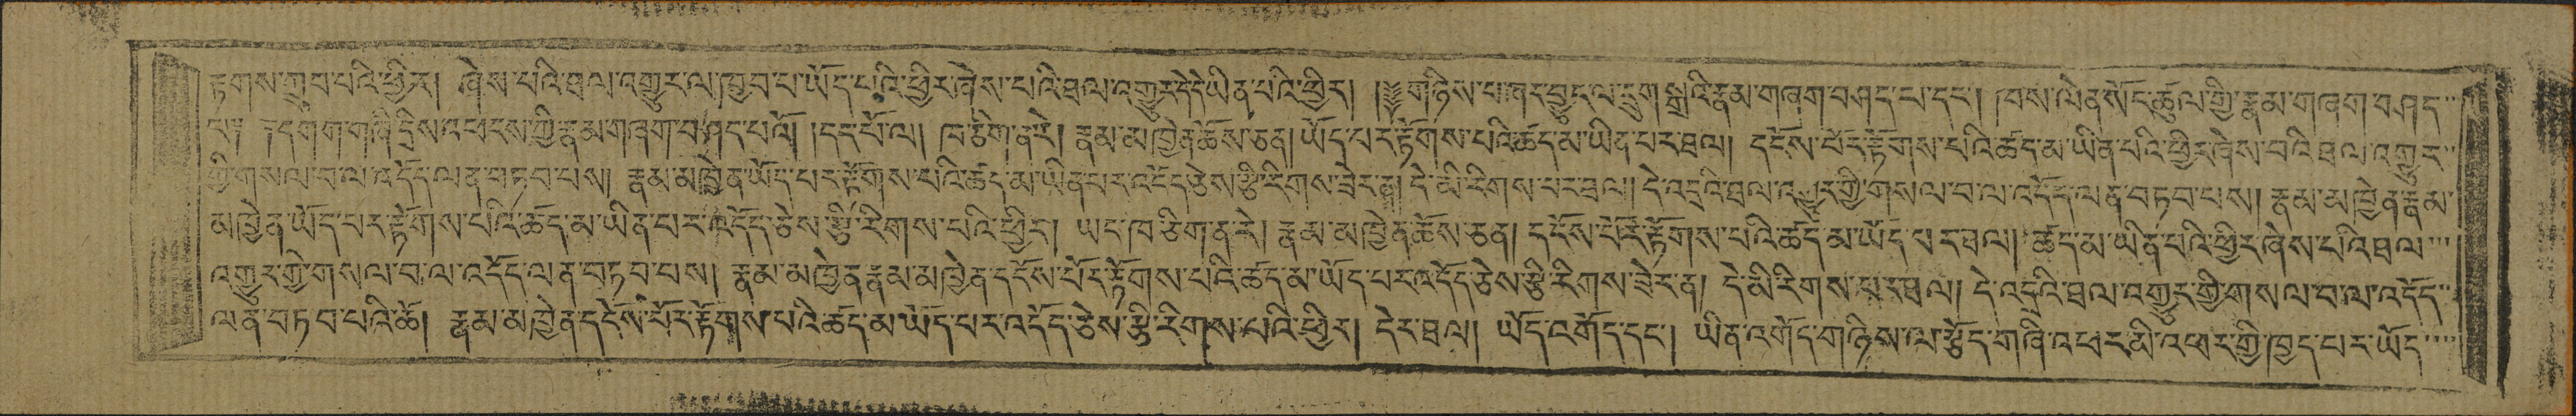རྟགས་གྲུབ་པའི་ཕྱིར། ཞེས་པའི་ཐལ་འགྱུར་ལ་ཁྱབ་པ་ཡོད་པའི་ཕྱིར་ཞེས་པའི་ཐལ་འགྱུར་དེ་དེ་ཡིན་པའི་ཕྱིར། །༈ གཉིས་པ་ཞར་བྱུང་ལ་དྲུག་སྒྲའི་རྣམ་གཞག་བཤད་པ་དང་། ཁས་ལེན་སོང་ཚུལ་གྱི་རྣམ་གཞག་བཤད་
པ༑ ༑དགག་གཞི་དྲིས་འཕངས་ཀྱི་རྣམ་གཞག་བཤད་པའོ། །དང་པོ་ལ། ཁ་ཅིག་ན་རེ། རྣམ་མཁྱེན་ཆོས་ཅན། ཡོད་པར་རྟོགས་པའི་ཚད་མ་ཡིན་པར་ཐལ། དངོས་བོར་རྟོགས་པའི་ཚད་མ་ཡིན་པའི་ཕྱིར་ཞེས་པའི་ཐལ་འགྱུར་
གྱི་གསལ་བ་ལ་འདོད་ལན་བཏབ་པས། རྣམ་མཁྱེན་ཡོད་པར་རྟོགས་པའི་ཚད་མ་ཡིན་པར་འདོད་ཅེས་རྩི་རིགས་ཟེར་ན། དེ་མི་རིགས་པར་ཐལ། དེ་འདྲའི་ཐལ་འགྱུར་གྱི་གསལ་བ་ལ་འདོད་ལན་བཏབ་པས། རྣམ་མཁྱེན་རྣམ་
མཁྱེན་ཡོད་པར་རྟོགས་པའི་ཚད་མ་ཡིན་པར་འདོད་ཅེས་རྩི་རིགས་པའི་ཕྱིར། ཡང་ཁ་ཅིག་ན་རེ། རྣམ་མཁྱེན་ཆོས་ཅན། དངོས་པོར་རྟོགས་པའི་ཚད་མ་ཡོད་པར་ཐལ། ཚད་མ་ཡིན་པའི་ཕྱིར་ཞེས་པའི་ཐལ་
འགྱུར་གྱི་གསལ་བ་ལ་འདོད་ལན་བཏབ་པས། རྣམ་མཁྱེན་རྣམ་མཁྱེན་དངོས་པོར་རྟོགས་པའི་ཚད་མ་ཡོད་པར་འདོད་ཅེས་རྩི་རིགས་ཟེར་ན། དེ་མི་རིགས་པར་ཐལ། དེ་འདྲའི་ཐལ་འགྱུར་གྱི་གསལ་བ་ལ་འདོད་
ལན་བཏབ་པའི་ཚེ། རྣམ་མཁྱེན་དངོས་པོར་རྟོགས་པའི་ཚད་མ་ཡོད་པར་འདོད་ཅེས་རྩི་རིགས་པའི་ཕྱིར། དེར་ཐལ། ཡོད་འགོད་དང་། ཡིན་འགོད་གཉིས་ལ་རྩོད་གཞི་འཕར་མི་འཕར་གྱི་ཁྱད་པར་ཡོད་